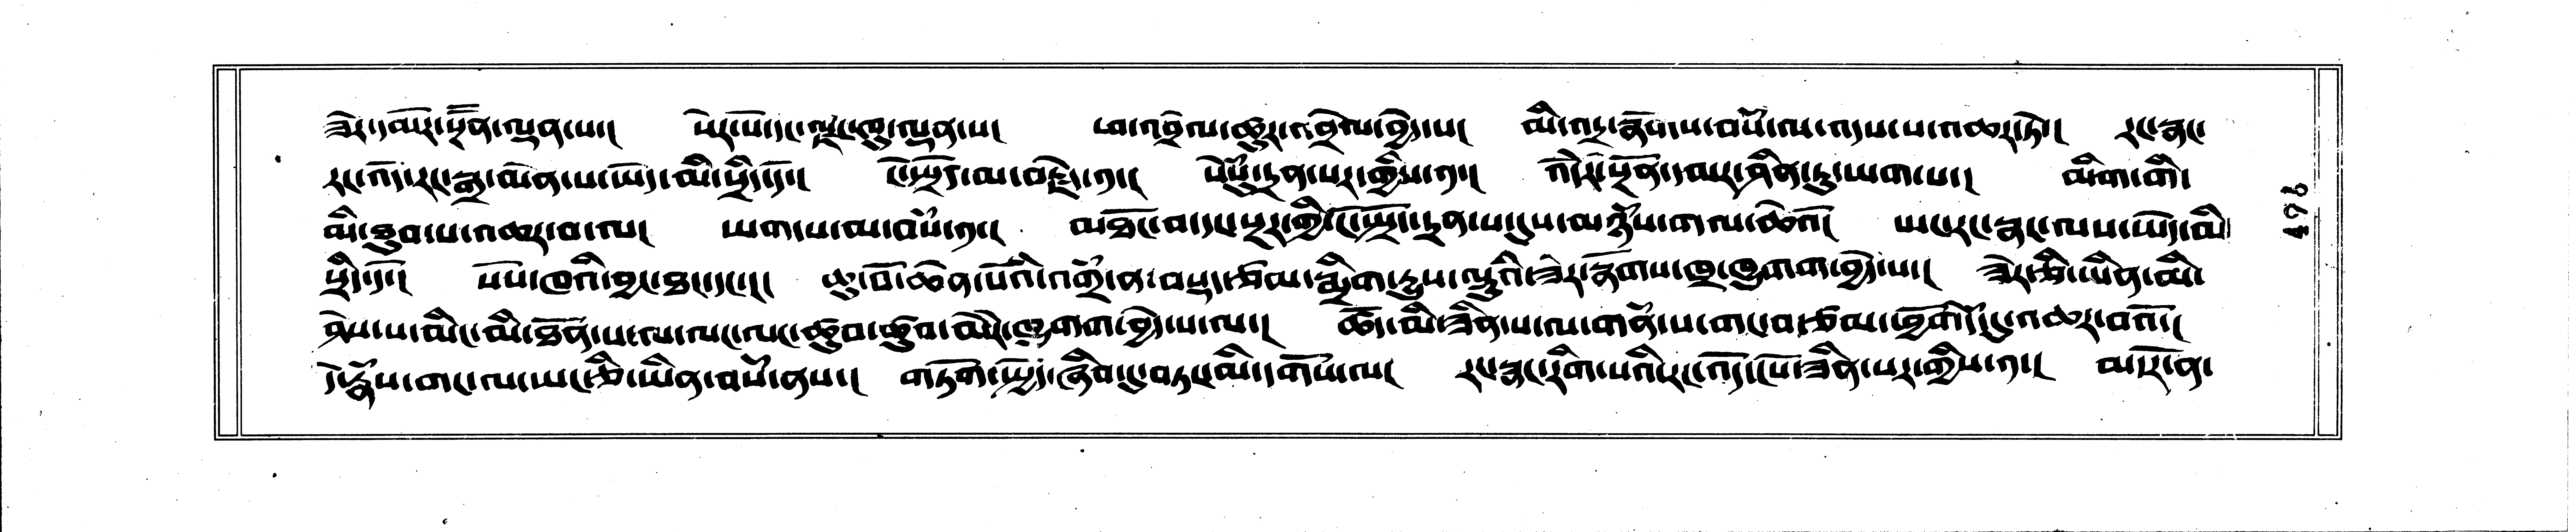ཟེར་དམར་པོ་སྔོན་པོ་ལྷབ་བེ་པ། སེར་པོ་ལྗང་ཀུ་ལྡེབ་༼བསྡེབ༽པ། ཕར་འབྲེལ་ཚུར་འབྲེལ་རད་པ། མི་འདྲ་བ་སྣ་ཚོགས་བསམ་ལས་འདས་པ་འཆར་ཏེ། རང་སྣང་
རང་འོད་རང་སྒྲ་མེན་པས་ཡོད་མི་སྲིད་དོ། ངོ་སྤྲོད་མ་བརྗེད་ཅིག སེམས་སུ་དྲན་པར་གྱིས་ཤིག འོད་ཟེར་སྔོ་དམར་ཤིན་ཏུ་ཡག་པ། མིག་གིས་
མི་ཐུབ་པ། རྐྱང་པ་འཆར་བ་ལ། ཡག་སོ་༼གོ༽མ་བསམ་ཅིག མཐོང་པ་དང་སྔར་གྱིས་ངོ་སྤྲོད་དྲན་པར་དུས་མཉམ་པ་གལ་ཆེའོ། ཡང་རང་སྣང་ལས་ཡོད་མི་
སྲིད་དོ། སོས་ཀའི་བྱང་ཐང་དང་། ཆུ་བོ་ཆེན་པོའི་འགྲམ་ན་བསྡད་ཙ་སྨྲིག་སྒྱུ་ལྟ་བུའི་ཟེར་སྣ་ཚོགས་ཁྲ་ཁྱུག་ཁྱུག་བྱེད་པ། ཟེར་ཅི་ཡིན་མི་
ཤེས་པ། མིང་མི་ཐོགས་པ། ལོང་ལོང་ཚུབ་ཚུབ་མེརམེར་ཁྱུག་ཁྱུག་བྱེད་པ་ལ། ཚོད་མི་ཟིན་པ་ལ་གནམ་ས་གང་པ་ཙམ་ཕྱོགས་མེད་དུ་འཆར་བའོ། 
དེ་རྣམས་གང་ལ་ཡང་ཅི་ཡིན་བསམ་ནས་རྟོག་སྤྱོད་༼དཔྱོད༽ཞིབ་ཏུ་མི་དགོས་ལ། རང་སྣང་རིག་པའི་རང་འོད་ངོས་ཟིན་པར་གྱིས་ཤིག